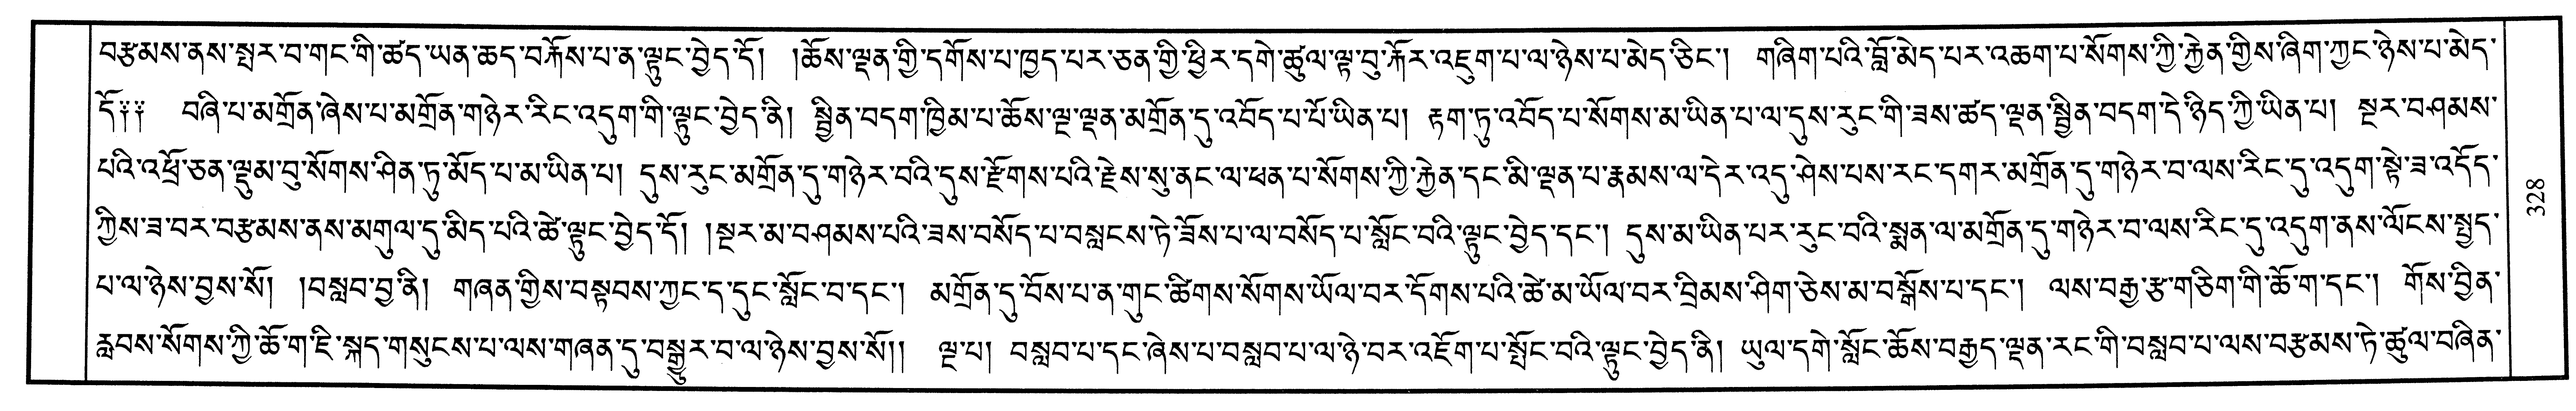བརྩམས་ནས་སྤར་བ་གང་གི་ཚད་ཡན་ཆད་བརྐོས་པ་ན་ལྟུང་བྱེད་དོ། །ཆོས་ལྡན་གྱི་དགོས་པ་ཁྱད་པར་ཅན་གྱི་ཕྱིར་དགེ་ཚུལ་ལྟ་བུ་རྐོར་འཇུག་པ་ལ་ཉེས་པ་མེད་ཅིང་། གཞིག་པའི་བློ་མེད་པར་འཆག་པ་སོགས་ཀྱི་རྐྱེན་གྱིས་ཞིག་ཀྱང་ཉེས་པ་མེད་
དོ།། བཞི་པ་མགྲོན་ཞེས་པ་མགྲོན་གཉེར་རིང་འདུག་གི་ལྟུང་བྱེད་ནི། སྦྱིན་བདག་ཁྱིམ་པ་ཆོས་ལྔ་ལྡན་མགྲོན་དུ་འབོད་པ་པོ་ཡིན་པ། རྟག་ཏུ་འབོད་པ་སོགས་མ་ཡིན་པ་ལ་དུས་རུང་གི་ཟས་ཚད་ལྡན་སྦྱིན་བདག་དེ་ཉིད་ཀྱི་ཡིན་པ། སྔར་བཤམས་
པའི་འཕྲོ་ཅན་ལྡུམ་བུ་སོགས་ཤིན་ཏུ་མོད་པ་མ་ཡིན་པ། དུས་རུང་མགྲོན་དུ་གཉེར་བའི་དུས་རྫོགས་པའི་རྗེས་སུ་ནང་ལ་ཕན་པ་སོགས་ཀྱི་རྐྱེན་དང་མི་ལྡན་པ་རྣམས་ལ་དེར་འདུ་ཤེས་པས་རང་དགར་མགྲོན་དུ་གཉེར་བ་ལས་རིང་དུ་འདུག་སྟེ་ཟ་འདོད་
ཀྱིས་ཟ་བར་བརྩམས་ནས་མགུལ་དུ་མིད་པའི་ཚེ་ལྟུང་བྱེད་དོ། །སྔར་མ་བཤམས་པའི་ཟས་བསོད་པ་བསླངས་ཏེ་ཟོས་པ་ལ་བསོད་པ་སློང་བའི་ལྟུང་བྱེད་དང་། དུས་མ་ཡིན་པར་རུང་བའི་སྨན་ལ་མགྲོན་དུ་གཉེར་བ་ལས་རིང་དུ་འདུག་ནས་ལོངས་སྤྱད་
པ་ལ་ཉེས་བྱས་སོ། །བསླབ་བྱ་ནི། གཞན་གྱིས་བསྟབས་ཀྱང་ད་དུང་སློང་བ་དང་། མགྲོན་དུ་བོས་པ་ན་གུང་ཚིགས་སོགས་ཡོལ་བར་དོགས་པའི་ཚེ་མ་ཡོལ་བར་བྲིམས་ཤིག་ཅེས་མ་བསྒོས་པ་དང་། ལས་བརྒྱ་རྩ་གཅིག་གི་ཆོ་ག་དང་། གོས་བྱིན་
རླབས་སོགས་ཀྱི་ཆོ་ག་ཇི་སྐད་གསུངས་པ་ལས་གཞན་དུ་བསྒྱུར་བ་ལ་ཉེས་བྱས་སོ།། ལྔ་པ། བསླབ་པ་དང་ཞེས་པ་བསླབ་པ་ལ་ཉེ་བར་འཇོག་པ་སྤོང་བའི་ལྟུང་བྱེད་ནི། ཡུལ་དགེ་སློང་ཆོས་བརྒྱད་ལྡན་རང་གི་བསླབ་པ་ལས་བརྩམས་ཏེ་ཚུལ་བཞིན་